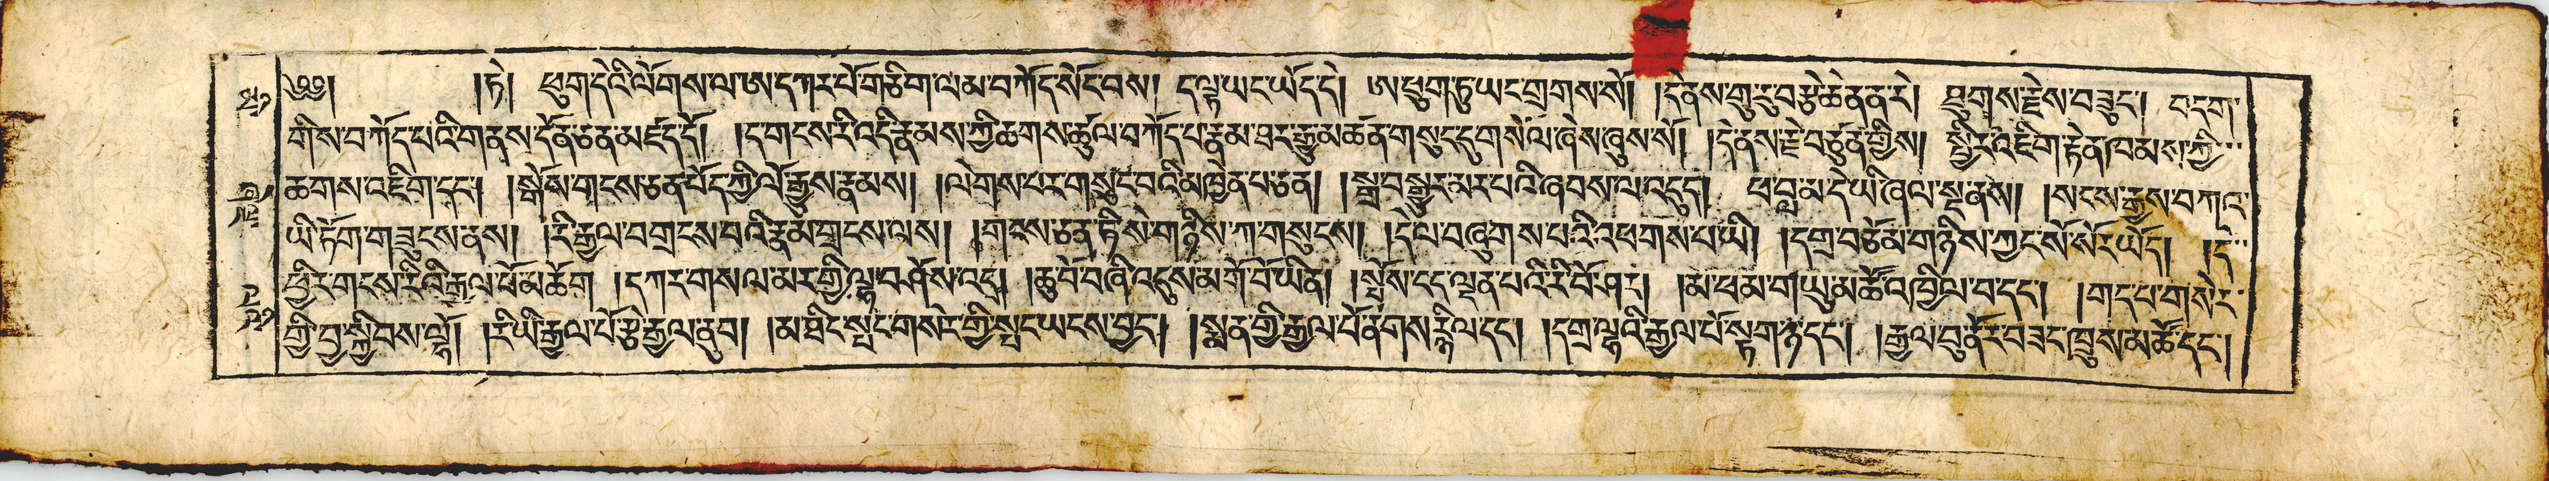།ཏེ། ཕུག དེའི་ལོགས་ལ་ཨ དཀར་པོ་གཅིག་ལམ་བཀོད་སོང་བས། ད་ལྟ་ཡང་ཡོད་དེ། ཨ་ཕུག་ཏུ་ཡང་གྲགས་སོ། །དེ་ནས་གུ་རུ་བརྩེ་ཆེན་ན་རེ། ཐུགས་རྗེས་བཟུང་། བདག་
གིས་བཀོད་པའི་གནས་དོན་ཅན་མཛད་དོ། །ད་གངས་རི་འདི་རྣམས་ཀྱི་ཆགས་ཚུལ་བཀོད་པ་རྣམ་ཐར་རྒྱུ་མཚན་གསུང་དུ་གསོལ་ཞེས་ཞུས་སོ། །དེ་ནས་རྗེ་བཙུན་གྱིས། སྤྱིར་འཇིག་རྟེན་ཁམས་ཀྱི་
ཆགས་འཇིག་དང་། །སྒོས་གངས་ཅན་བོད་ཀྱི་ལོ་རྒྱུས་རྣམས། །ལེགས་པར་གསུང་བའི་མཁྱེན་པ་ཅན། །སྒྲ་བསྒྱུར་མར་པའི་ཞབས་ལ་འདུད། ཕ་བླ་མ་དེ་ཡི་ཞལ་སྔ་ནས། །སངས་རྒྱས་བཀའ་
ཡི་ཏོག་གཟུངས་ནས། །རི་རྒྱལ་བགྲངས་པའི་རྣམ་གྲངས་ལས། །གསས་ཅན་ཏི་སེ་གཉིས་ཀ་གསུངས། །དེ་ལ་བཞུགས་པའི་འཕགས་པ་ཡི། །དགྲ་བཅོམ་གཉིས་ཀྱང་སོ་སོར་ཡོད། དེ་
ཕྱིར་གངས་རིའི་རྒྱལ་པོ་མཆོག །དཀར་གསལ་མར་གྱི་ལྷ་བཤོས་འདྲ། །ཆུ་བོ་བཞི་འདུས་མགོ་བོ་ཡིན། །སྤོས་ངད་ལྡན་པའི་རི་བོ་ཤར། །མ་ཕམ་གཡུ་མཚོ་འཁྱིལ་བ་དང་། །གད་པ་གསེར་
གྱི་བྱ་སྐྱིབས་ལྷོ། །རི་ཡི་རྒྱལ་པོ་རྩེ་རྒྱལ་ནུབ། །མཐིང་སྤང་གསེར་གྱི་སྤང་ཡངས་བྱང་། །སྨན་གྱི་རྒྱལ་མོ་ནགས་རྙིལ་དང། །དགྲ་ལྷའི་རྒྱལ་པོ་སྟག་ཉ་དང་། །རྒྱལ་བུ་ནོར་བཟང་ཁྲུས་མཚོ་དང་། །